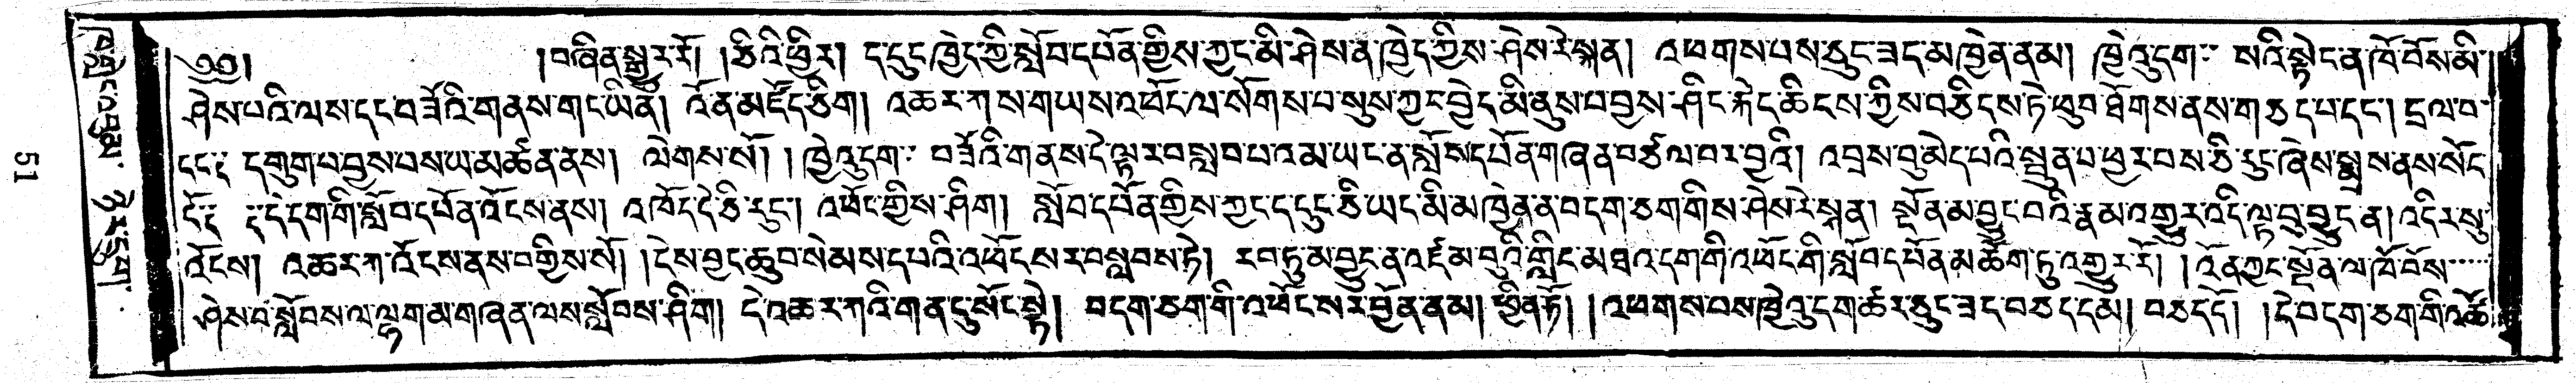༄༅། །བཞིན་སྒྱུར་རོ། །ཅིའི་ཕྱིར། ད་དུང་ཁྱེད་ཀྱི་སློབ་དཔོན་གྱིས་ཀྱང་མི་ཤེས་ན་ཁྱེད་ཀྱིས་ཤེས་རེ་སྐན། འཕགས་པས་ཅུང་ཟད་མཁྱེན་ནམ། ཁྱེའུ་དག༑ སའི་སྟེང་ན་ཁོ་བོས་མི་
ཤེས་པའི་ལས་དང་བཟོའི་གནས་གང་ཡིན། འོ་ན་མཛོད་ཅིག། འཆར་ཀས་གཡས་འཕོང་ལ་སོགས་པ་སུས་ཀྱང་བྱེད་མི་ནུས་པ་བྱས་ཤིང་རྐེད་ཆིངས་ཀྱིས་བཅིངས་ཏེ་ཕུབ་ཐོགས་ནས་གཅད་པ་དང་། དྲལ་བ་
དང༑ དགུག་པ་བྱས་པས་ཡ་མཚན་ནས། ལེགས་སོ། །ཁྱེའུ་དག༑ བཟོའི་གནས་དེ་ལྟར་བསླབ་པ་འམ་ཡང་ན་སློབ་དཔོན་གཞན་བཙལ་བར་བྱའི། འབྲས་བུ་མེད་པའི་སྤུན་པ་ཕྱར་བས་ཅི་རུང་ཞེས་སྨྲས་ནས་སོང་
ངོ༑ ༑དེ་དག་གི་སློབ་དཔོན་འོངས་ནས། འཁོད་དེ་ཅི་རུང་། འཕོང་གྱིས་ཤིག། སློབ་དཔོན་གྱིས་ཀྱང་ད་དུང་ཅི་ཡང་མི་མཁྱེན་ན་བདག་ཅག་གིས་ཤེས་རེ་སྐན། སྔོན་མ་བྱུང་བའི་རྣམ་འགྱུར་འདི་ལྟ་བུ་བྱུང་ན། འདིར་སུ་
འོངས། འཆར་ཀ་འོངས་ནས་བགྱིས་སོ། །དེས་བྱང་ཆུབ་སེམས་དཔའི་འཕོང་སར་བསླབས་ཏེ། རབ་ཏུ་མ་བྱུང་ན་འཛམ་བུའི་གླིང་མཐའ་དག་གི་འཕོང་གི་སློབ་དཔོན་མཆོག་ཏུ་འགྱུར་རོ། །འོན་ཀྱང་སྔོན་ལ་ཁོ་བོས་
ཤེས་བ་སློབས་ལ་ལྷག་མ་གཞན་ལས་སློབས་ཤིག། དེ་འཆར་ཀའི་གན་དུ་སོང་སྟེ། བདག་ཅག་གི་འཕོང་སར་བྱོན་ནམ། ཕྱིན་ཏོ། །འཕགས་པས་ཁྱེའུ་དག་ཚར་ཅུང་ཟད་བཅད་དམ། བཅད་དོ། །དེ་བདག་ཅག་གི་འཚོ་